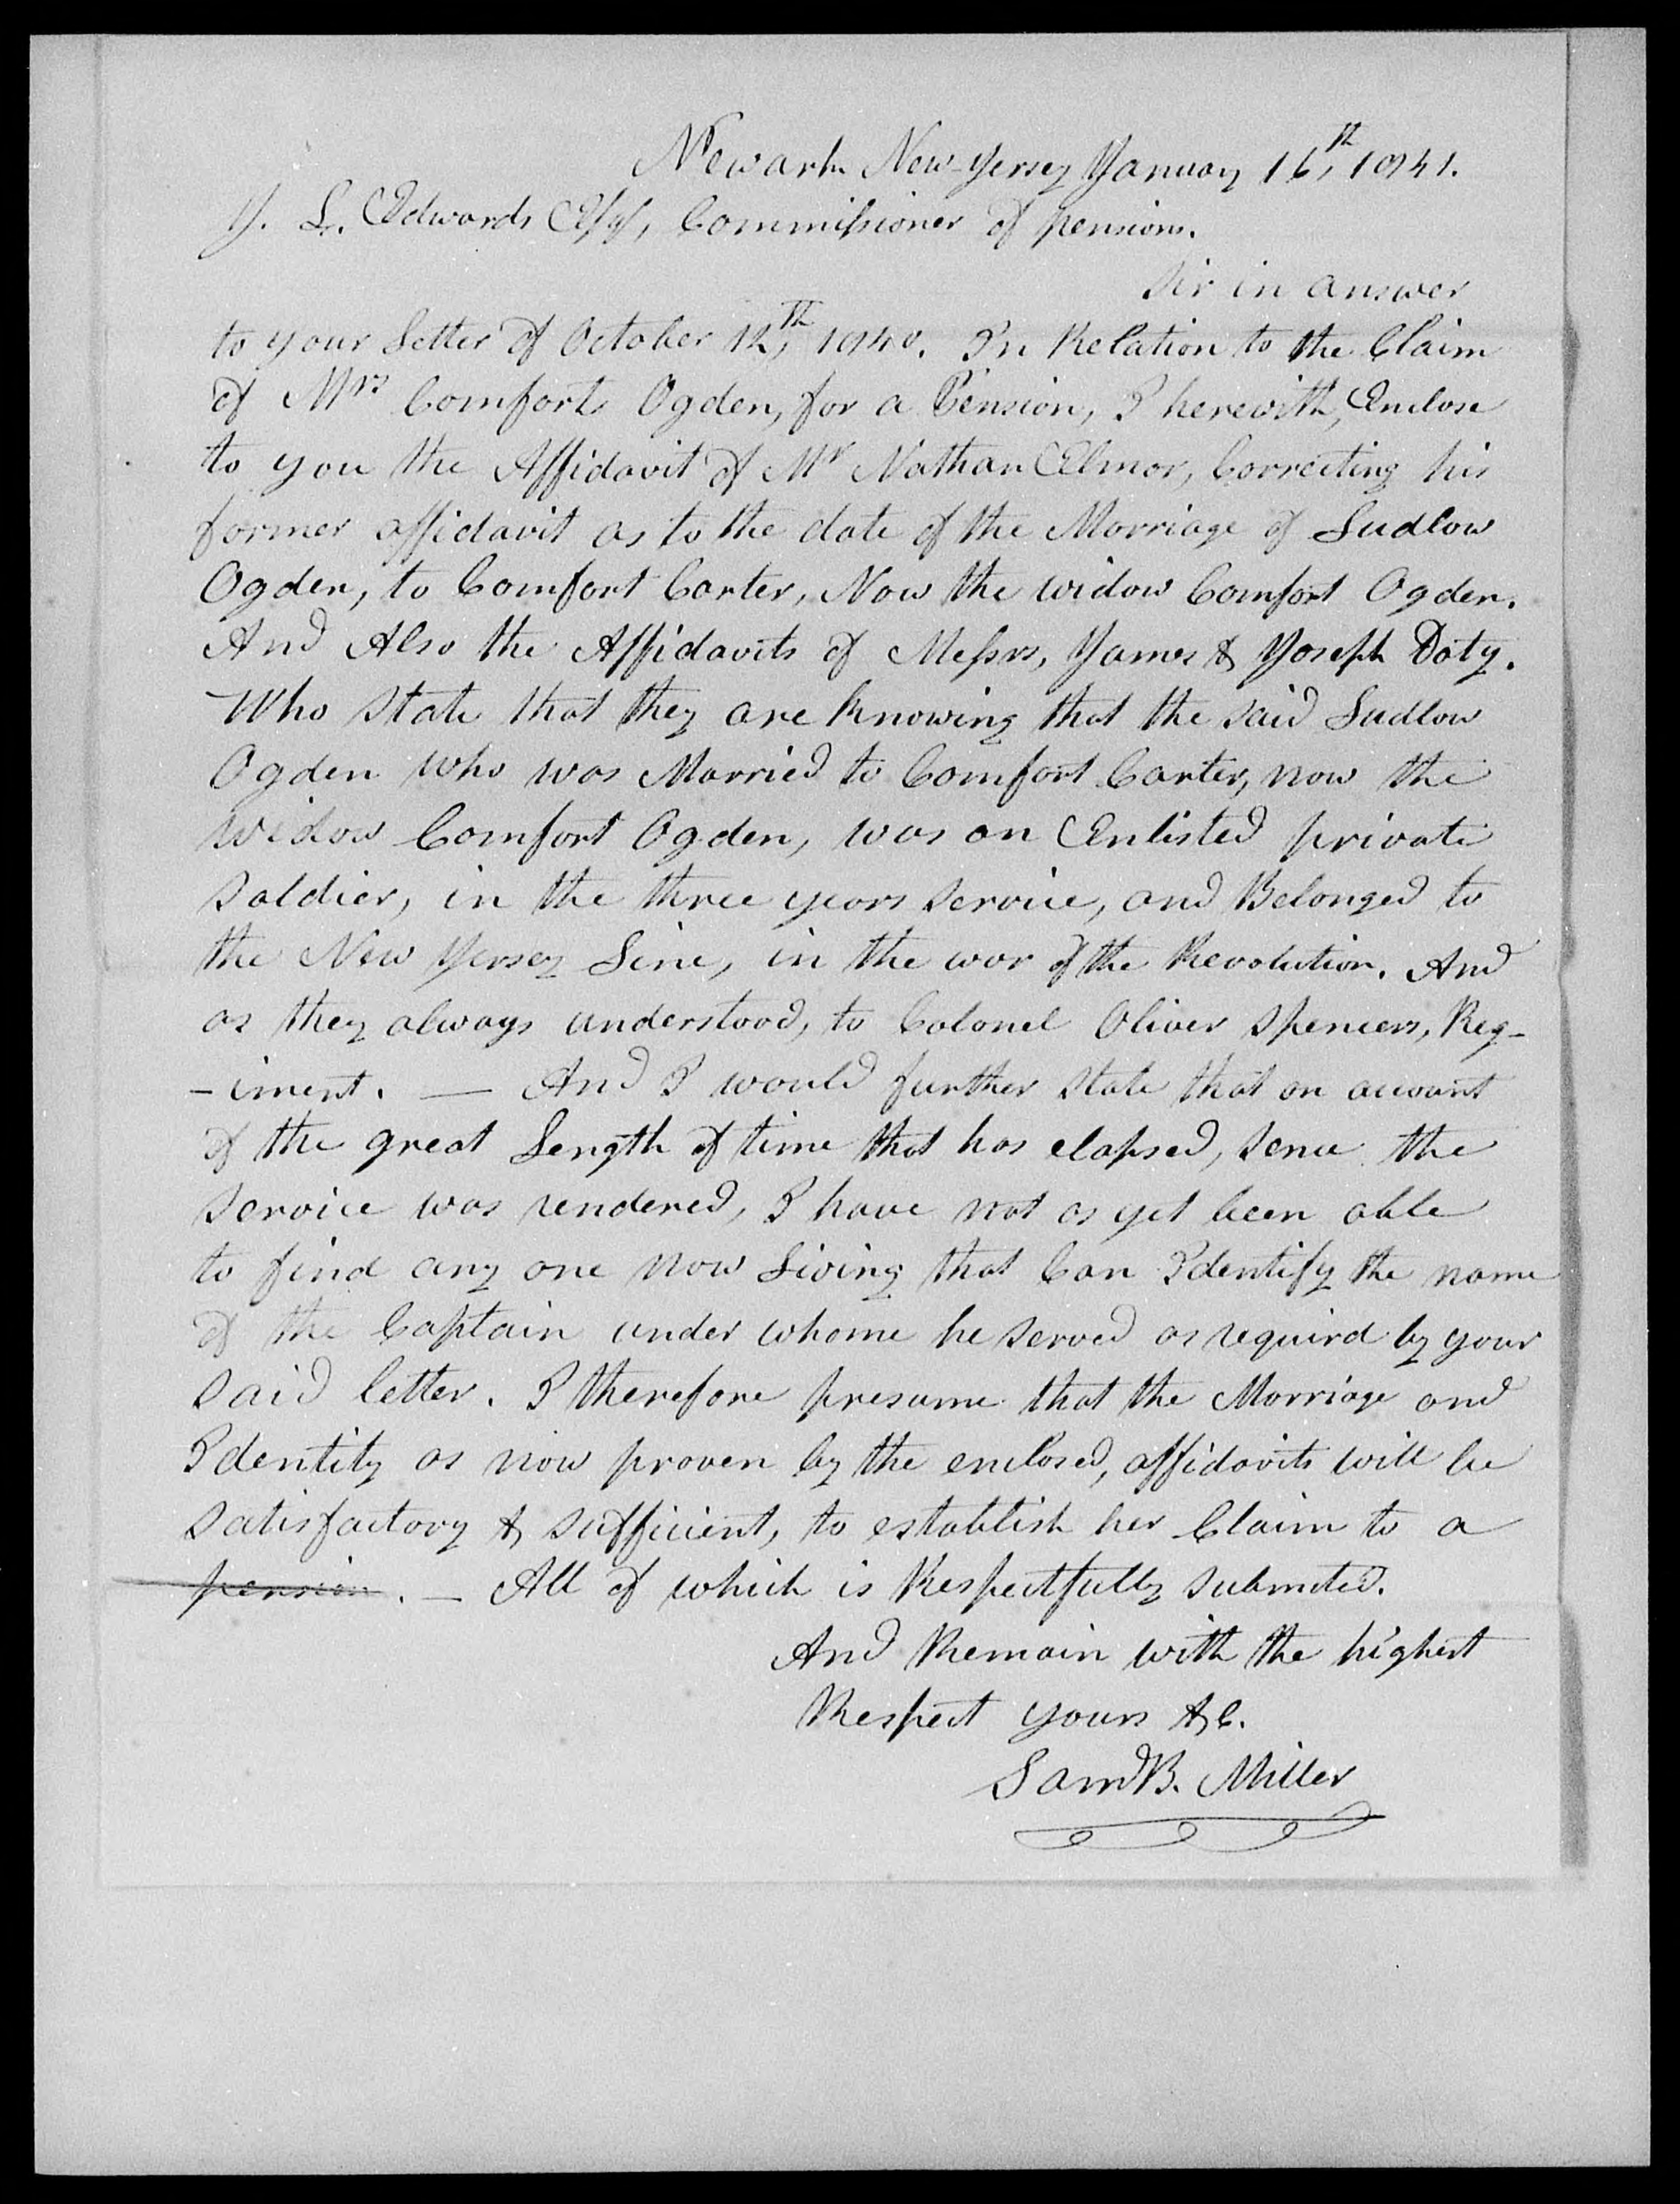Newark New Jersey January 16th, 1841
J. L. Edwards Esqr Commissioner of pensions.

      Sir in answer to your letter of October 12th 1840, On Relation to the Claim of Mrs Comfort Ogden, for a Pension, I herewith enclose to you the Affidavit of Mr Nathan Elmer, Correcting his former affidavit as to the date of the Marriage of Ludlow Ogden, to Comfort Carter, Now the widow Comfort Ogden.  And Also the Affidavits of Messrs. James & Joseph Doty, Who state that they are knowing that the said Ludlow Ogden who was Married to Comfort Carter, now the Widow Comfort Ogden, was an Enlisted private Soldier, in the three years service, and Belonged to the New Jersey Line, in the war of the Revolution.  And as they always understood, to Colonel Oliver Spencers Regiment. - And I would further state that on account of the great Length of time that has elapsed since the service was rendered, I have not as yet been able to find any one now Living that can Identify the name of the Captain under whom he served as required by your said letter.  I therefore presume that the Marriage and Identity as now proven by the enclosed affidavits will be satisfactory & sufficient to establish her Claim to a pension. - All of which is Respectfully submited.
    And Remain with the highest
    Respect yours &c.
           Sam B. Miller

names: Joseph Doty; Ludlow Ogden; James Doty; Comfort Ogden; Comfort Carter; Saml B Miller; J L Edwards; Nathan Elmer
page: 16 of 25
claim: widow's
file: W. 187, for Ludlow Ogden, New Jersey